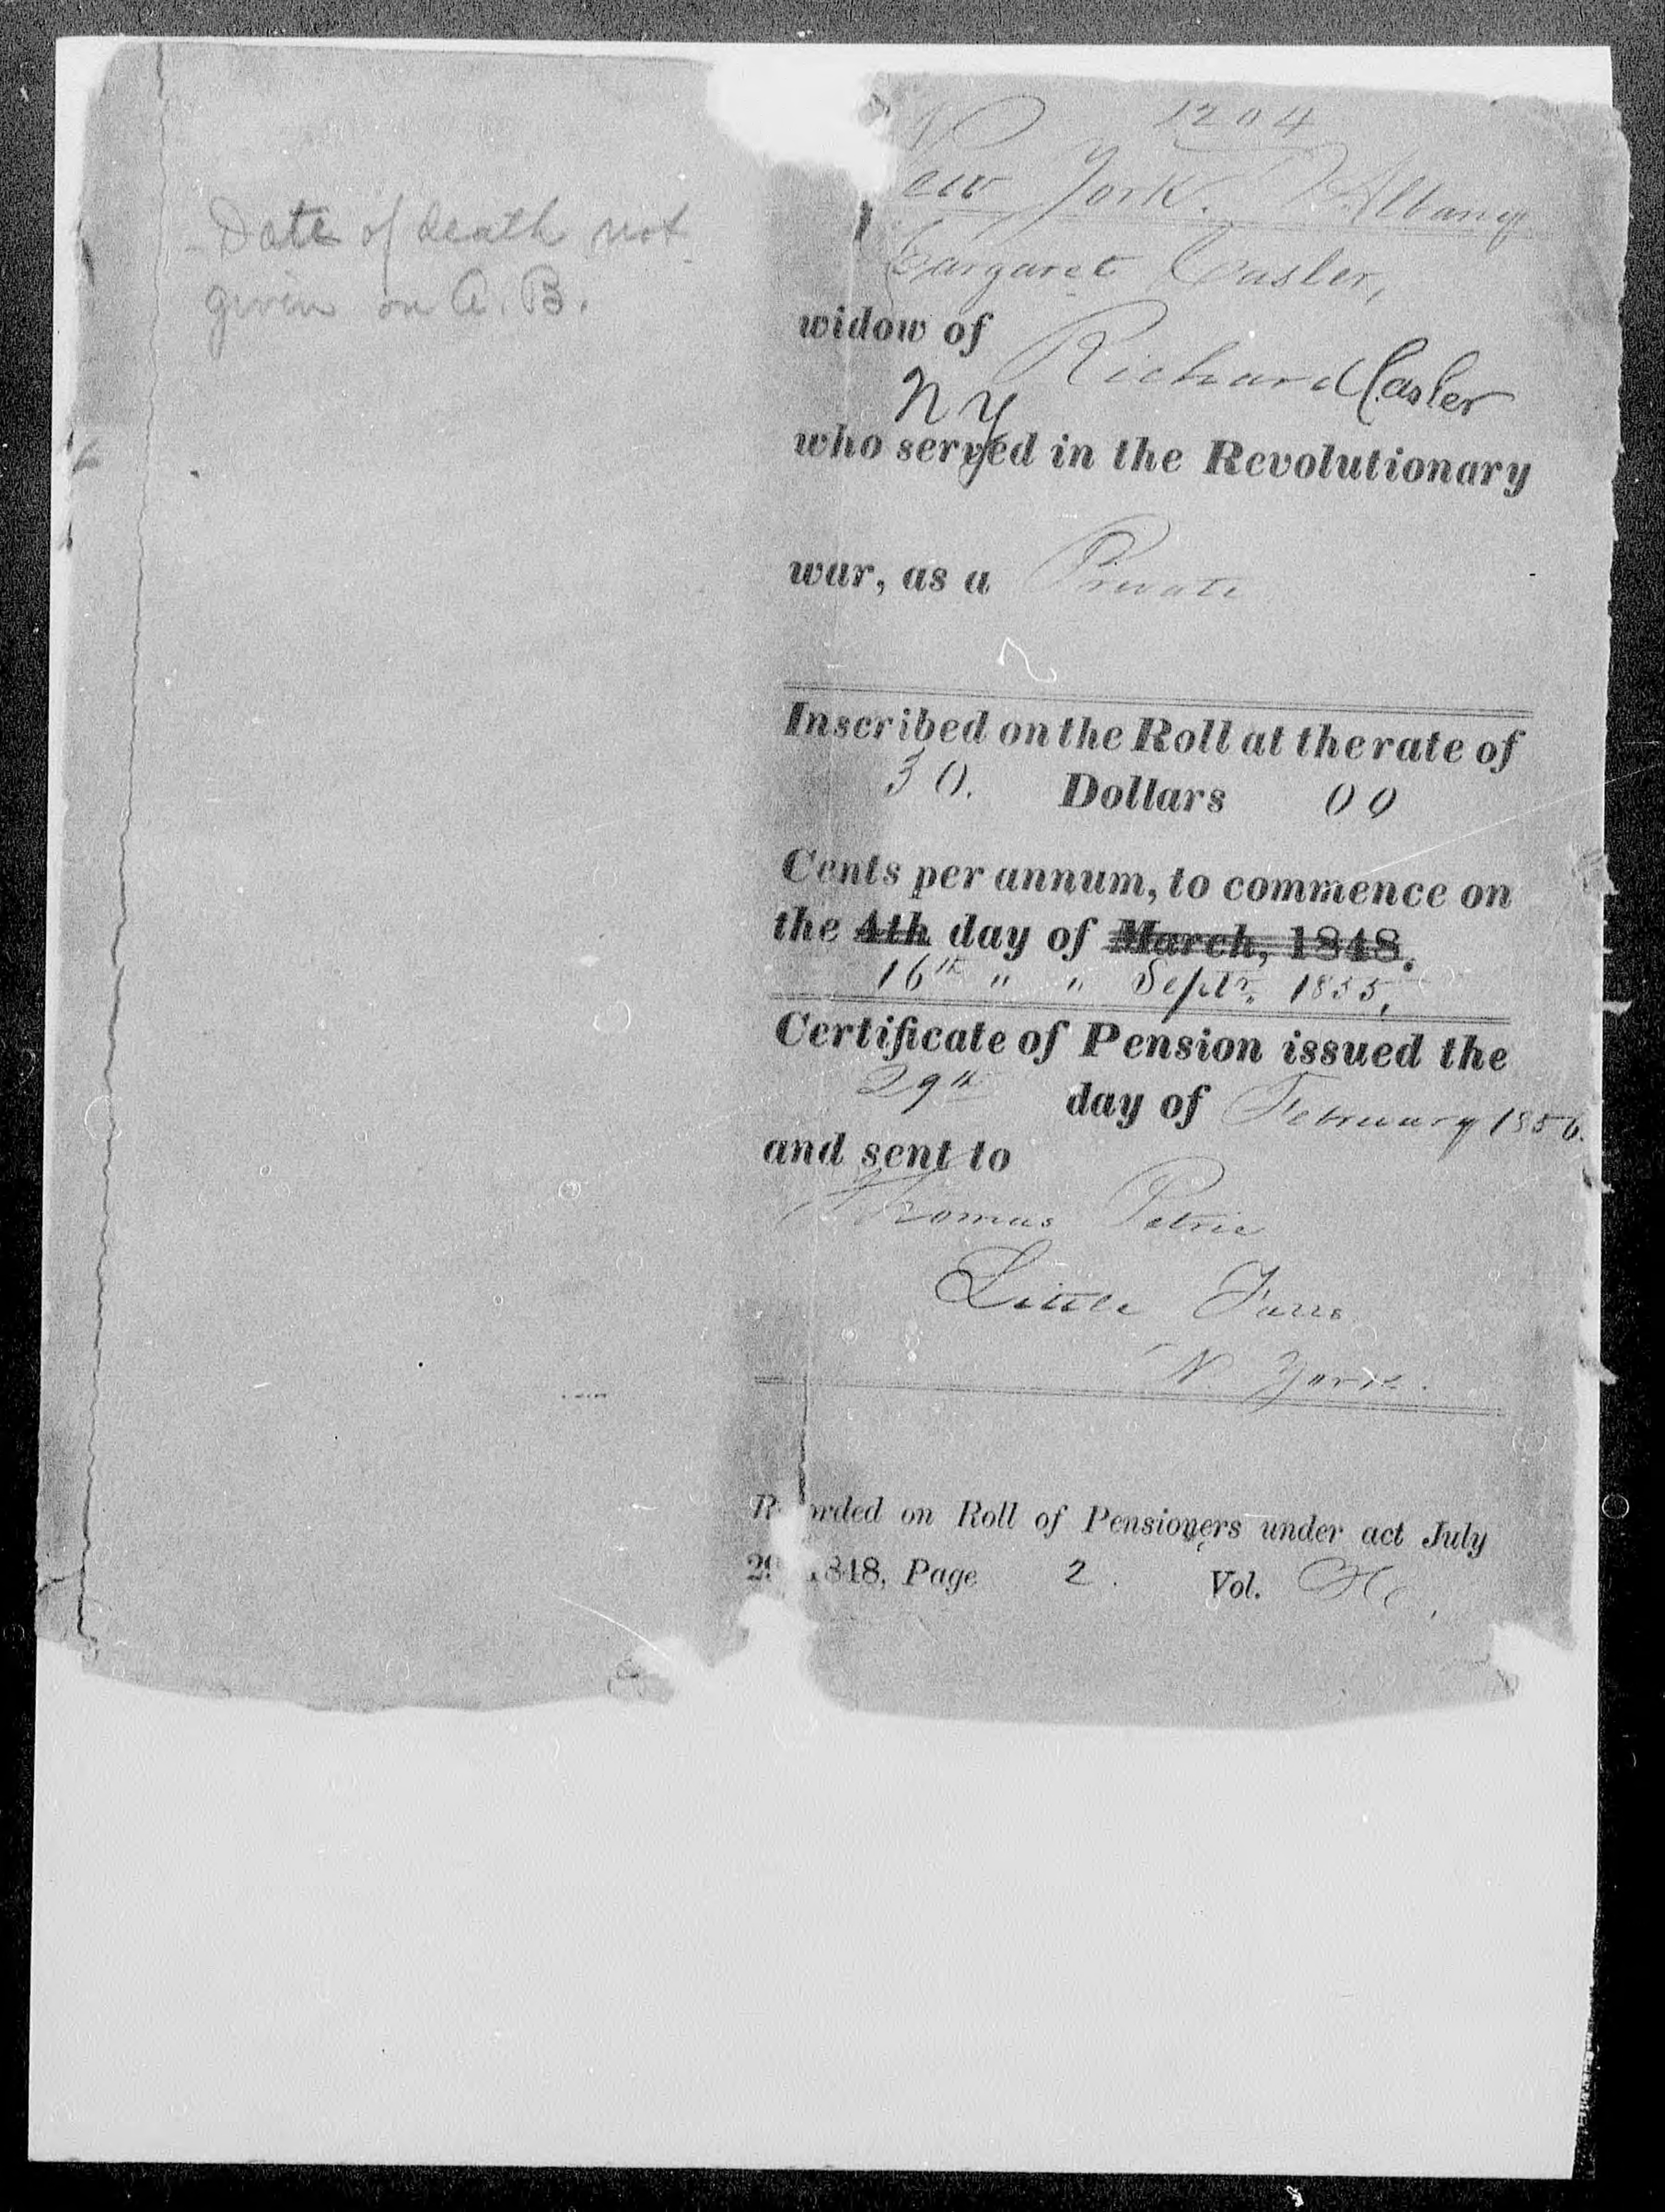Date of death not given on A. B. 

1204 – 
New York Albany 
Margaret Casler,
widow of Richard Casler NY who served in the Revolutionary war, as a Private 

Inscribed on the Roll at the rate of 30 Dollars 00 Cents per annum, to commence on 16th day of Sepr. 1855. 

Certificate of Pension issued the 29th day of February 1856 and sent to Thomas Petrie Little Falls N York 

Recorded on Roll of Pensioners under act July 29, 1848, Page 2. Vol. [illegible]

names: Richard Casler, Margaret Casler, Thomas Petrie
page: 15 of 66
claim: widow's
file: W. 6637, Richard Caslar, New York